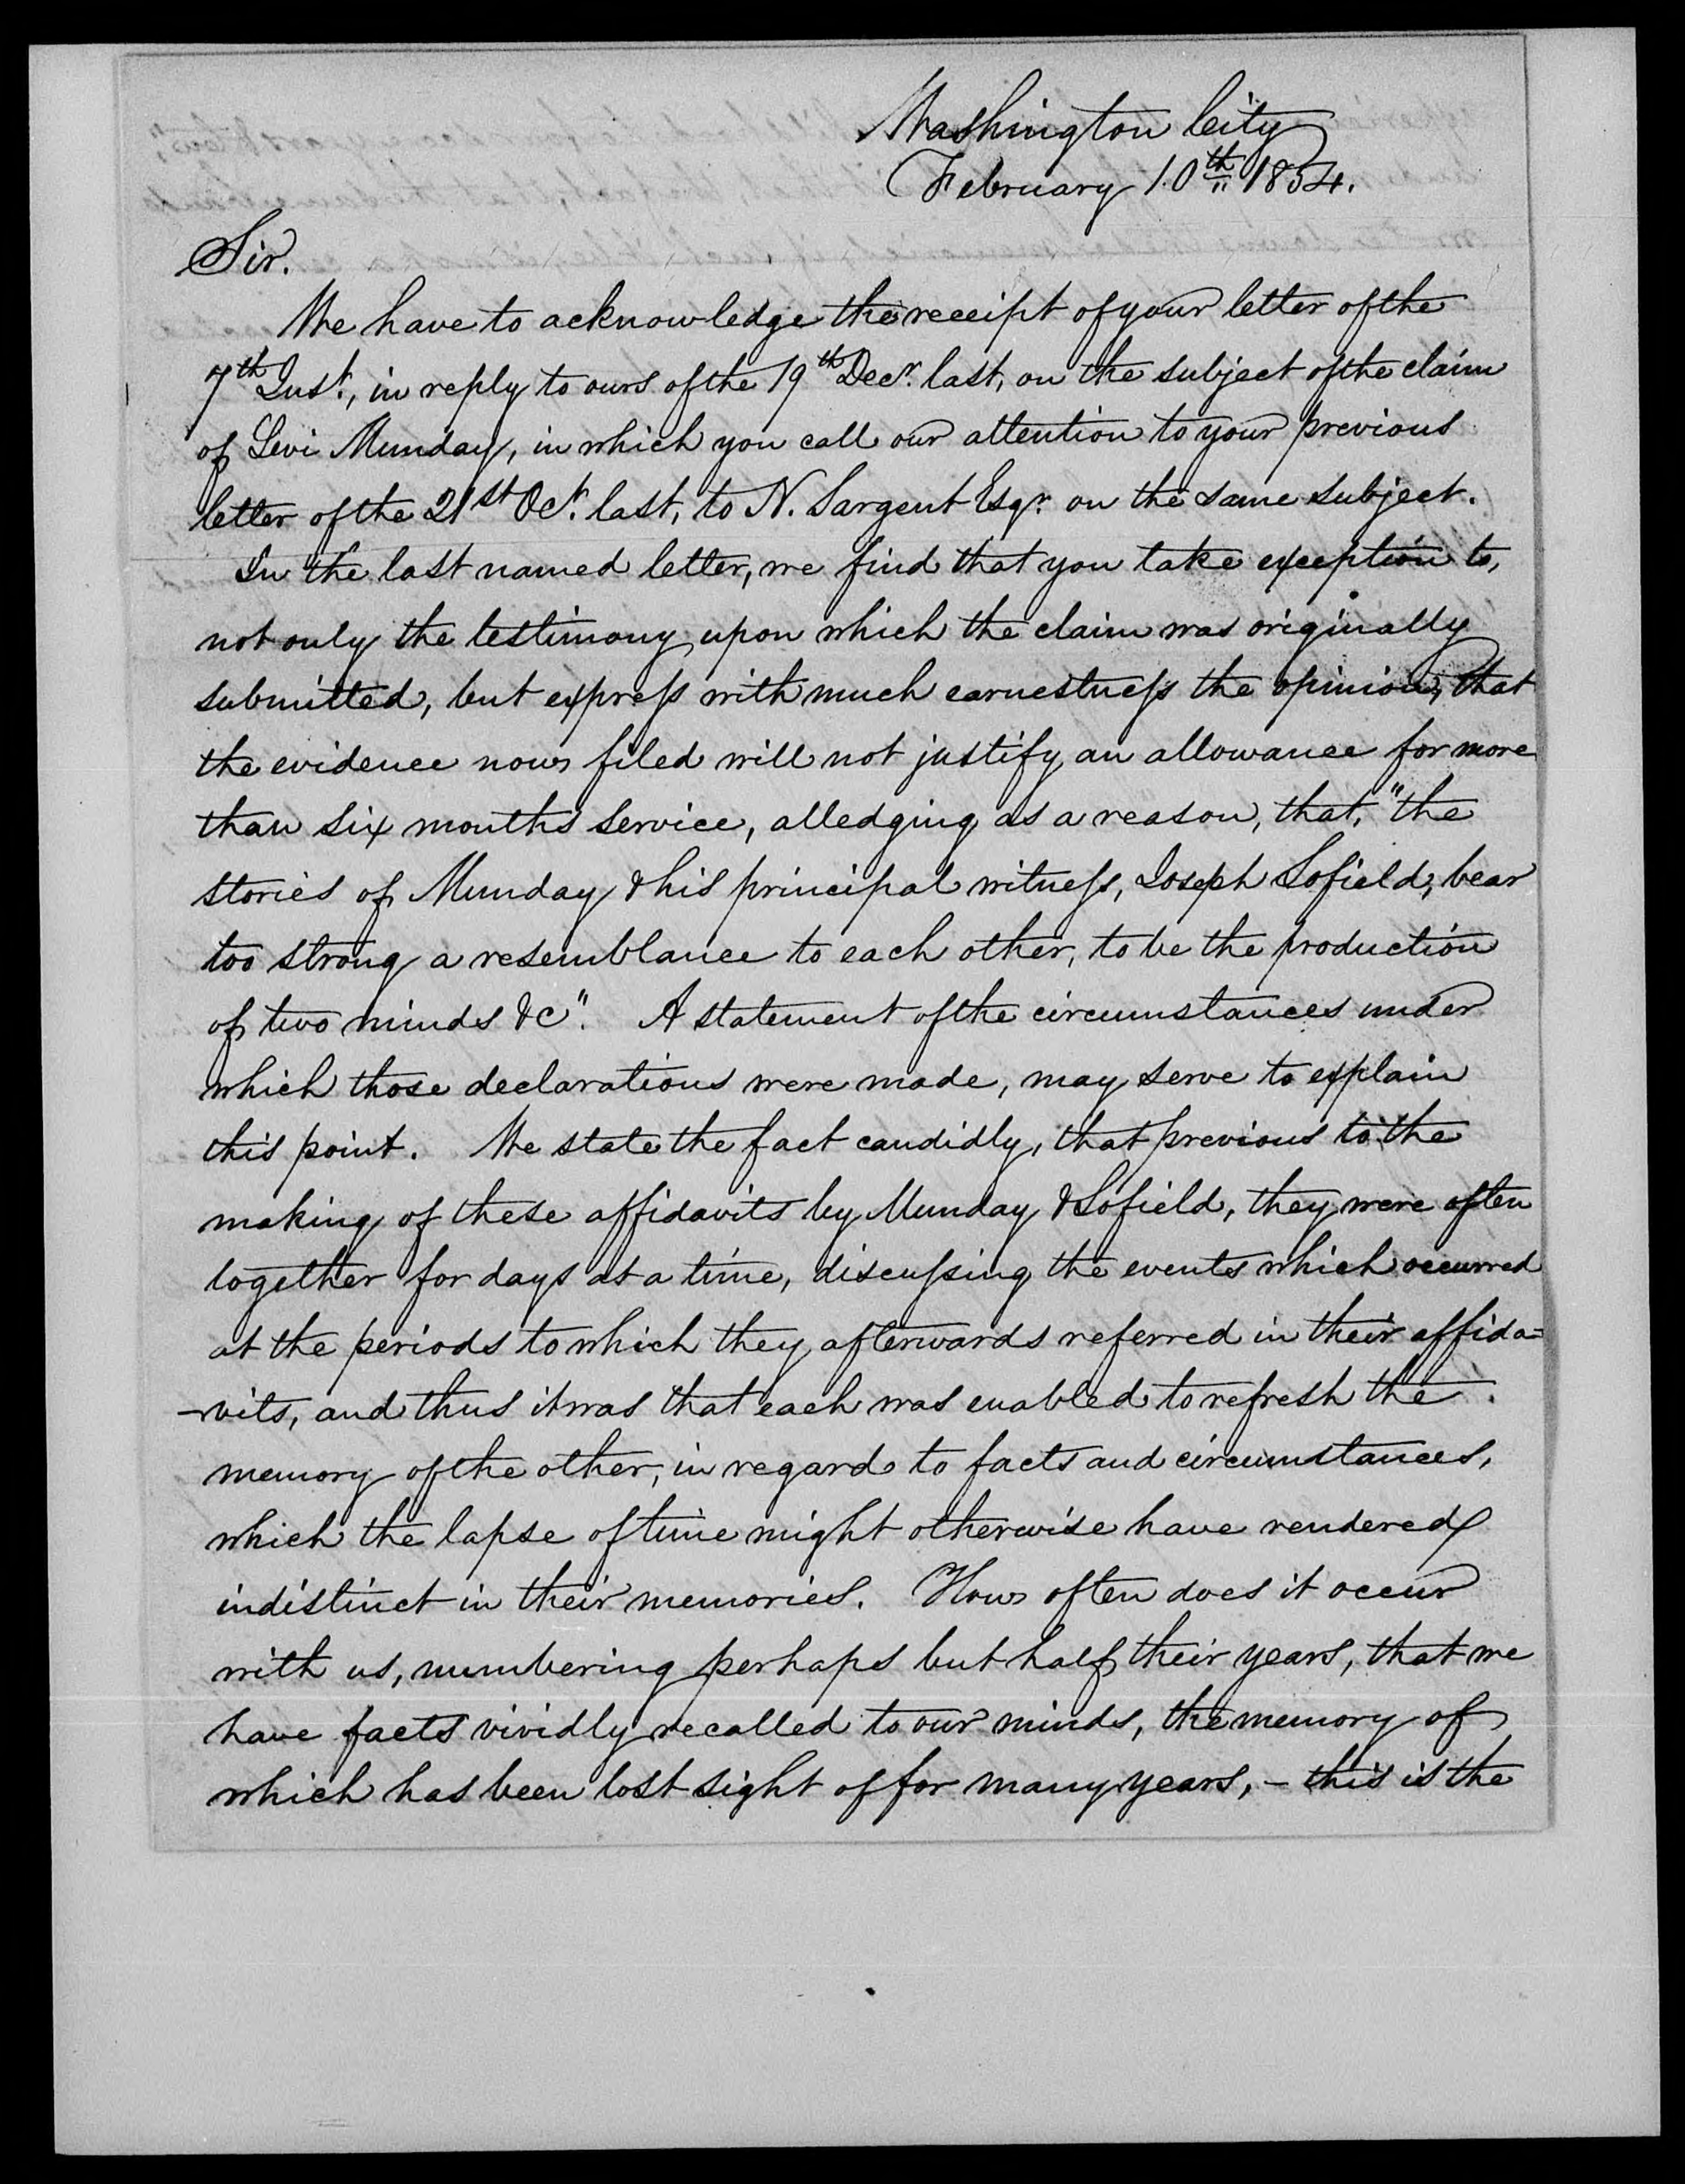Washington City
February 10th 1854.

Sir,

We have to acknowledge the receipt of your letter of the 7th inst(ant), in reply to ours of the 19th Dec. last, on the subject of the claim of Levi Munday, in which you call our attention to your previous letter of the 21st Oct. last, to N. Sargent, Esq., on the same subject.

In the last named letter, we find that you take exception to not only the testimony upon which the claim was originally submitted but express with much earnestness the opinion, that the evidence now filed will not justify an allowance for more than six months service, alleging as a reason, that "the stories of Munday & his principal witness, Joseph Sofield, bear too strong a resemblance to each other to be the production of two minds &c." A statement of the circumstances under which those declarations were made may serve to explain this point. We state the fact candidly, that previous to the making of these affidavits by Munday & Sofield, they were often together for days at a time, discussing the events which occurred at the period to which they afterwards referred (to) in their affidavits, and thus it was that each was enabled to refresh the memory of the other in regard to facts and circumstances, which the lapse of time might otherwise have rendered indistinct in their memories. How often does it occur with us, numbering perhaps but half their years, that we have facts vividly recalled to our minds, the memory of which has been lost sight of for many years,- this is the...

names: Levi Munday; Joseph Sofield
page: 38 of 95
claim: survivor's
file: S 2889, for Levi Mundy, New Jersey